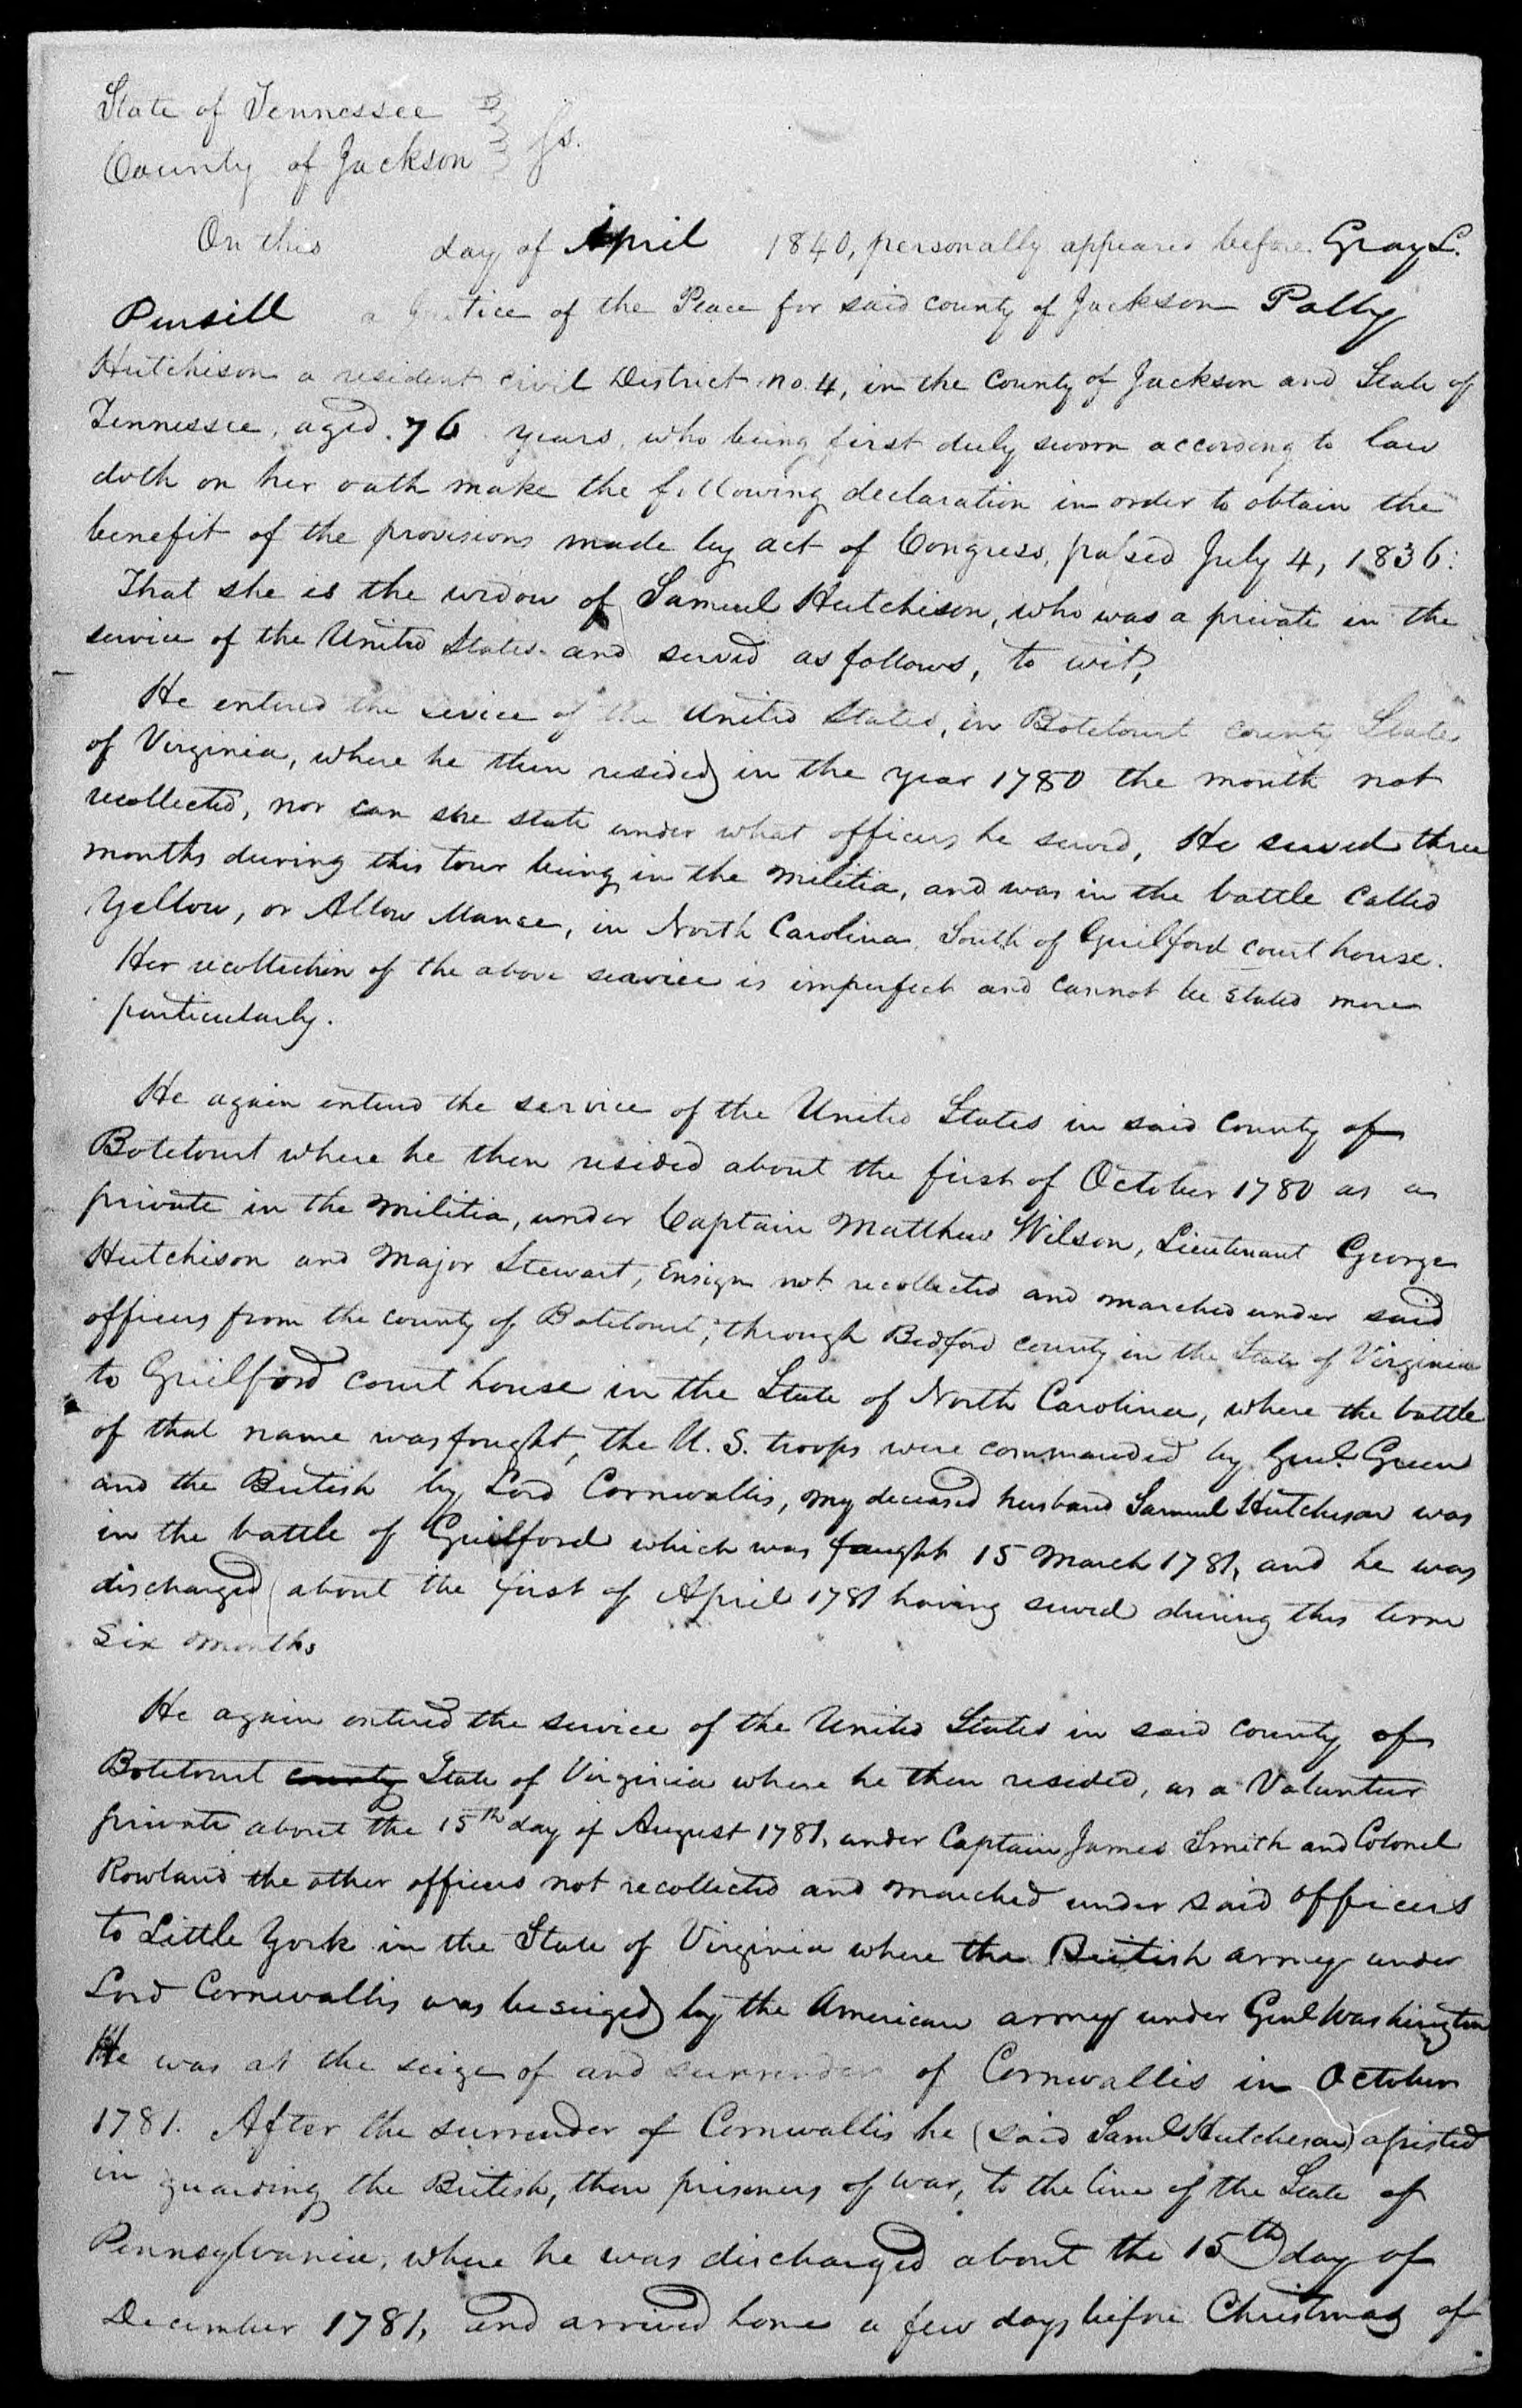State of Tennessee} 
County of Jackson} SS 

On this __ day of April 1840, personally appeared before Gray L Pursill a Justice of the Peace for said County of Jackson Polly Hutchison a resident Civil District No. 4 in the County of Jackson and State of Tennessee, aged 76 years, who being first duly sworn according to law doth on her oath make the following declaration in order to obtain the benefit of the provisions made by act of Congress passed July 4, 1836: 

That she is the widow of Samuel Hutchison, who was a private in the service of the United States and served as follows, to wit, 
He entered the service of the United States in Botetourt County State of Virginia, where he then resided in the year 1780 the month not recollected, nor can she state under what officers he served. He served three months during this tour being in the militia, and was in the battle called Yellow, or Allow Mance in North Carolina South of Guilford Court house. Her recollection of the above service is imperfect and cannot be stated more particularly. 

He again entered the service of the United States in said County of Botetourt where he then resided about the first of October 1780 as a private in the militia under Captain Matthew Wilson, Lieutenant George Hutchison and Major Stewart [perhaps John Stewart who was County Lieutenant of the Botetourt County militia], Ensign not recollected and marched under said officers from the County of Botetourt, through Bedford County in the State of Virginia to Guilford Courthouse in the State of North Carolina, where the battle of that name was fought, the US troops were commanded by Genl [General] Green [Nathanael Greene] and the British by Lord Cornwallis. My deceased husband Samuel Hutchison was in the battle of Guilford which was fought 15 March 1781, and he was discharged about the first of April 1781 having served during this term of six months. 

He again entered the service of the United States in said County of Botetourt State of Virginia where he then resided as a Volunteer private about the 15th day of August 1781, under Captain James Smith and Colonel Rowland [Thomas Rowland] the other officers not recollected and marched under said officers to Little York in the State of Virginia where the British Army under Lord Cornwallis was besieged by the American Army under Genl [General] Washington. He was at the siege of and surrender of Cornwallis in October 1781. After the surrender of Cornwallis he (said Samuel Hutchison) assisted in guarding the British, then prisoners of war, to the line of the State of Pennsylvania, where he was discharged about the 15th day of December 1781, and arrived home a few days before Christmas of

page: 7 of 19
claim: rejected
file: R. 5442, for Samuel Hutchison, Virginia